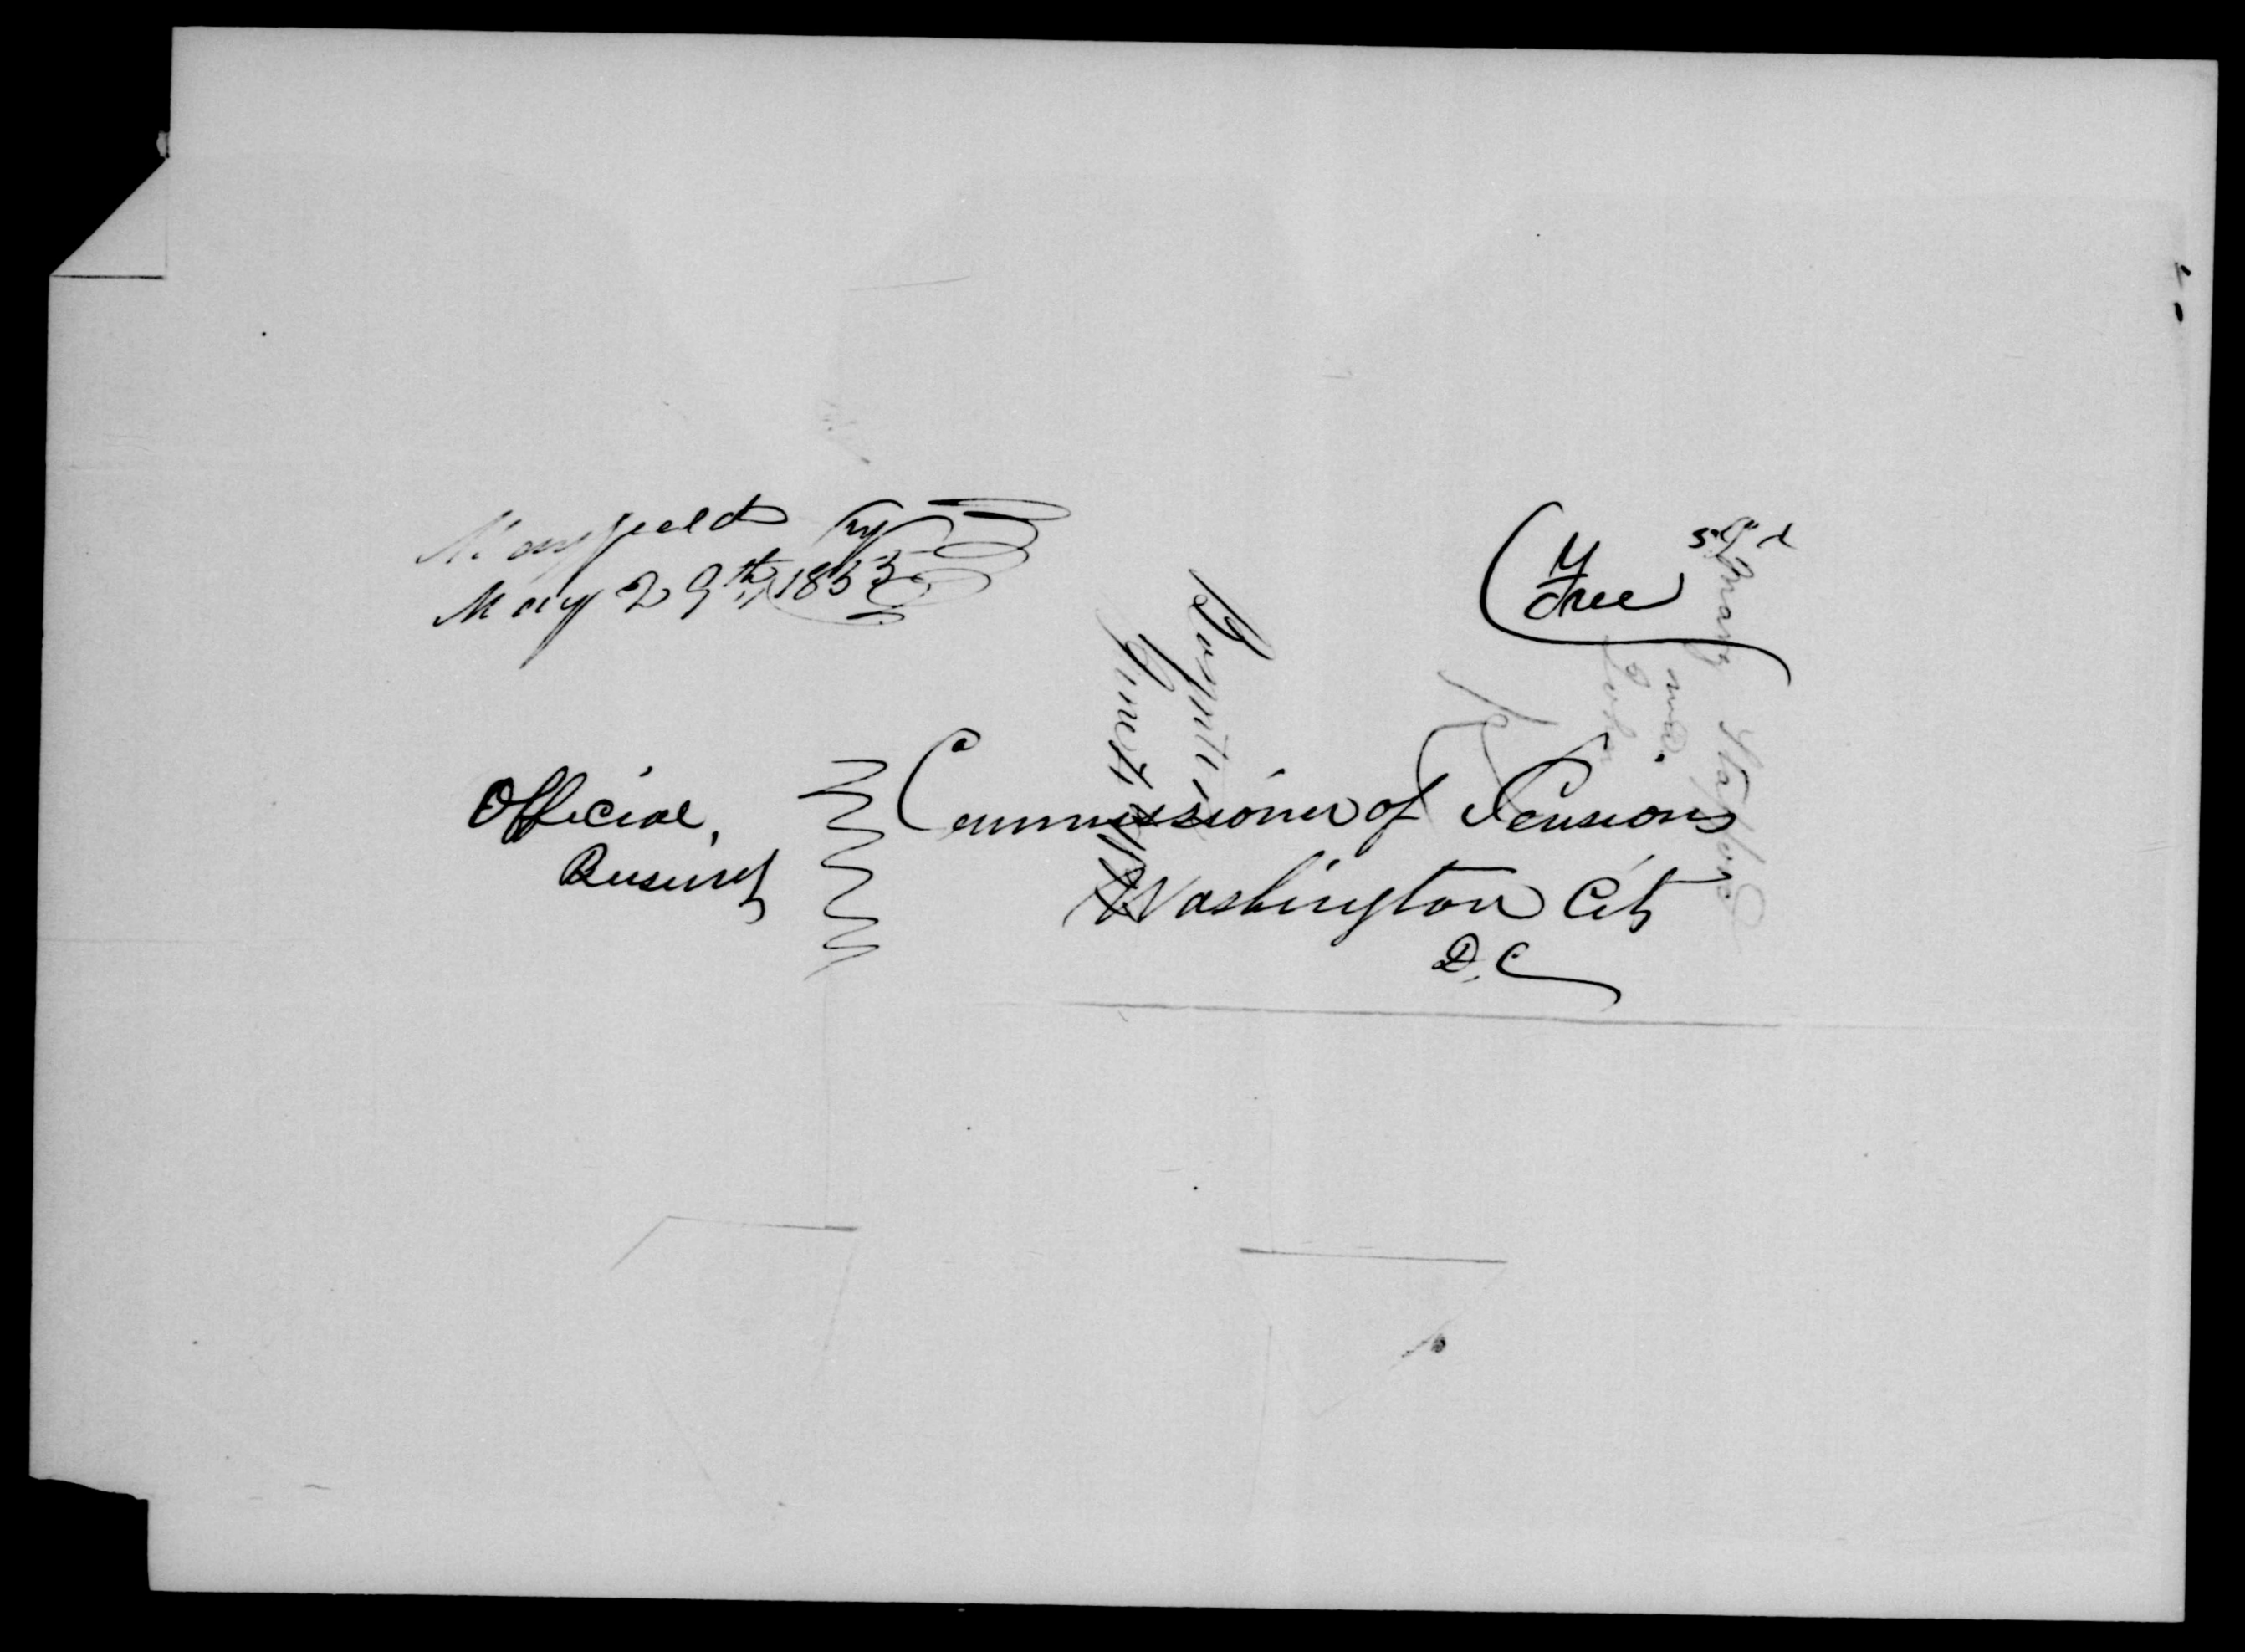Mayfield Ky					Free
May 29th, 1853	

Official Businefs	Commission of Pensions
Washington City D.C.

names: Mary Stafford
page: 46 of 61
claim: widow's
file: W. 11554, for John Stafford, Maryland